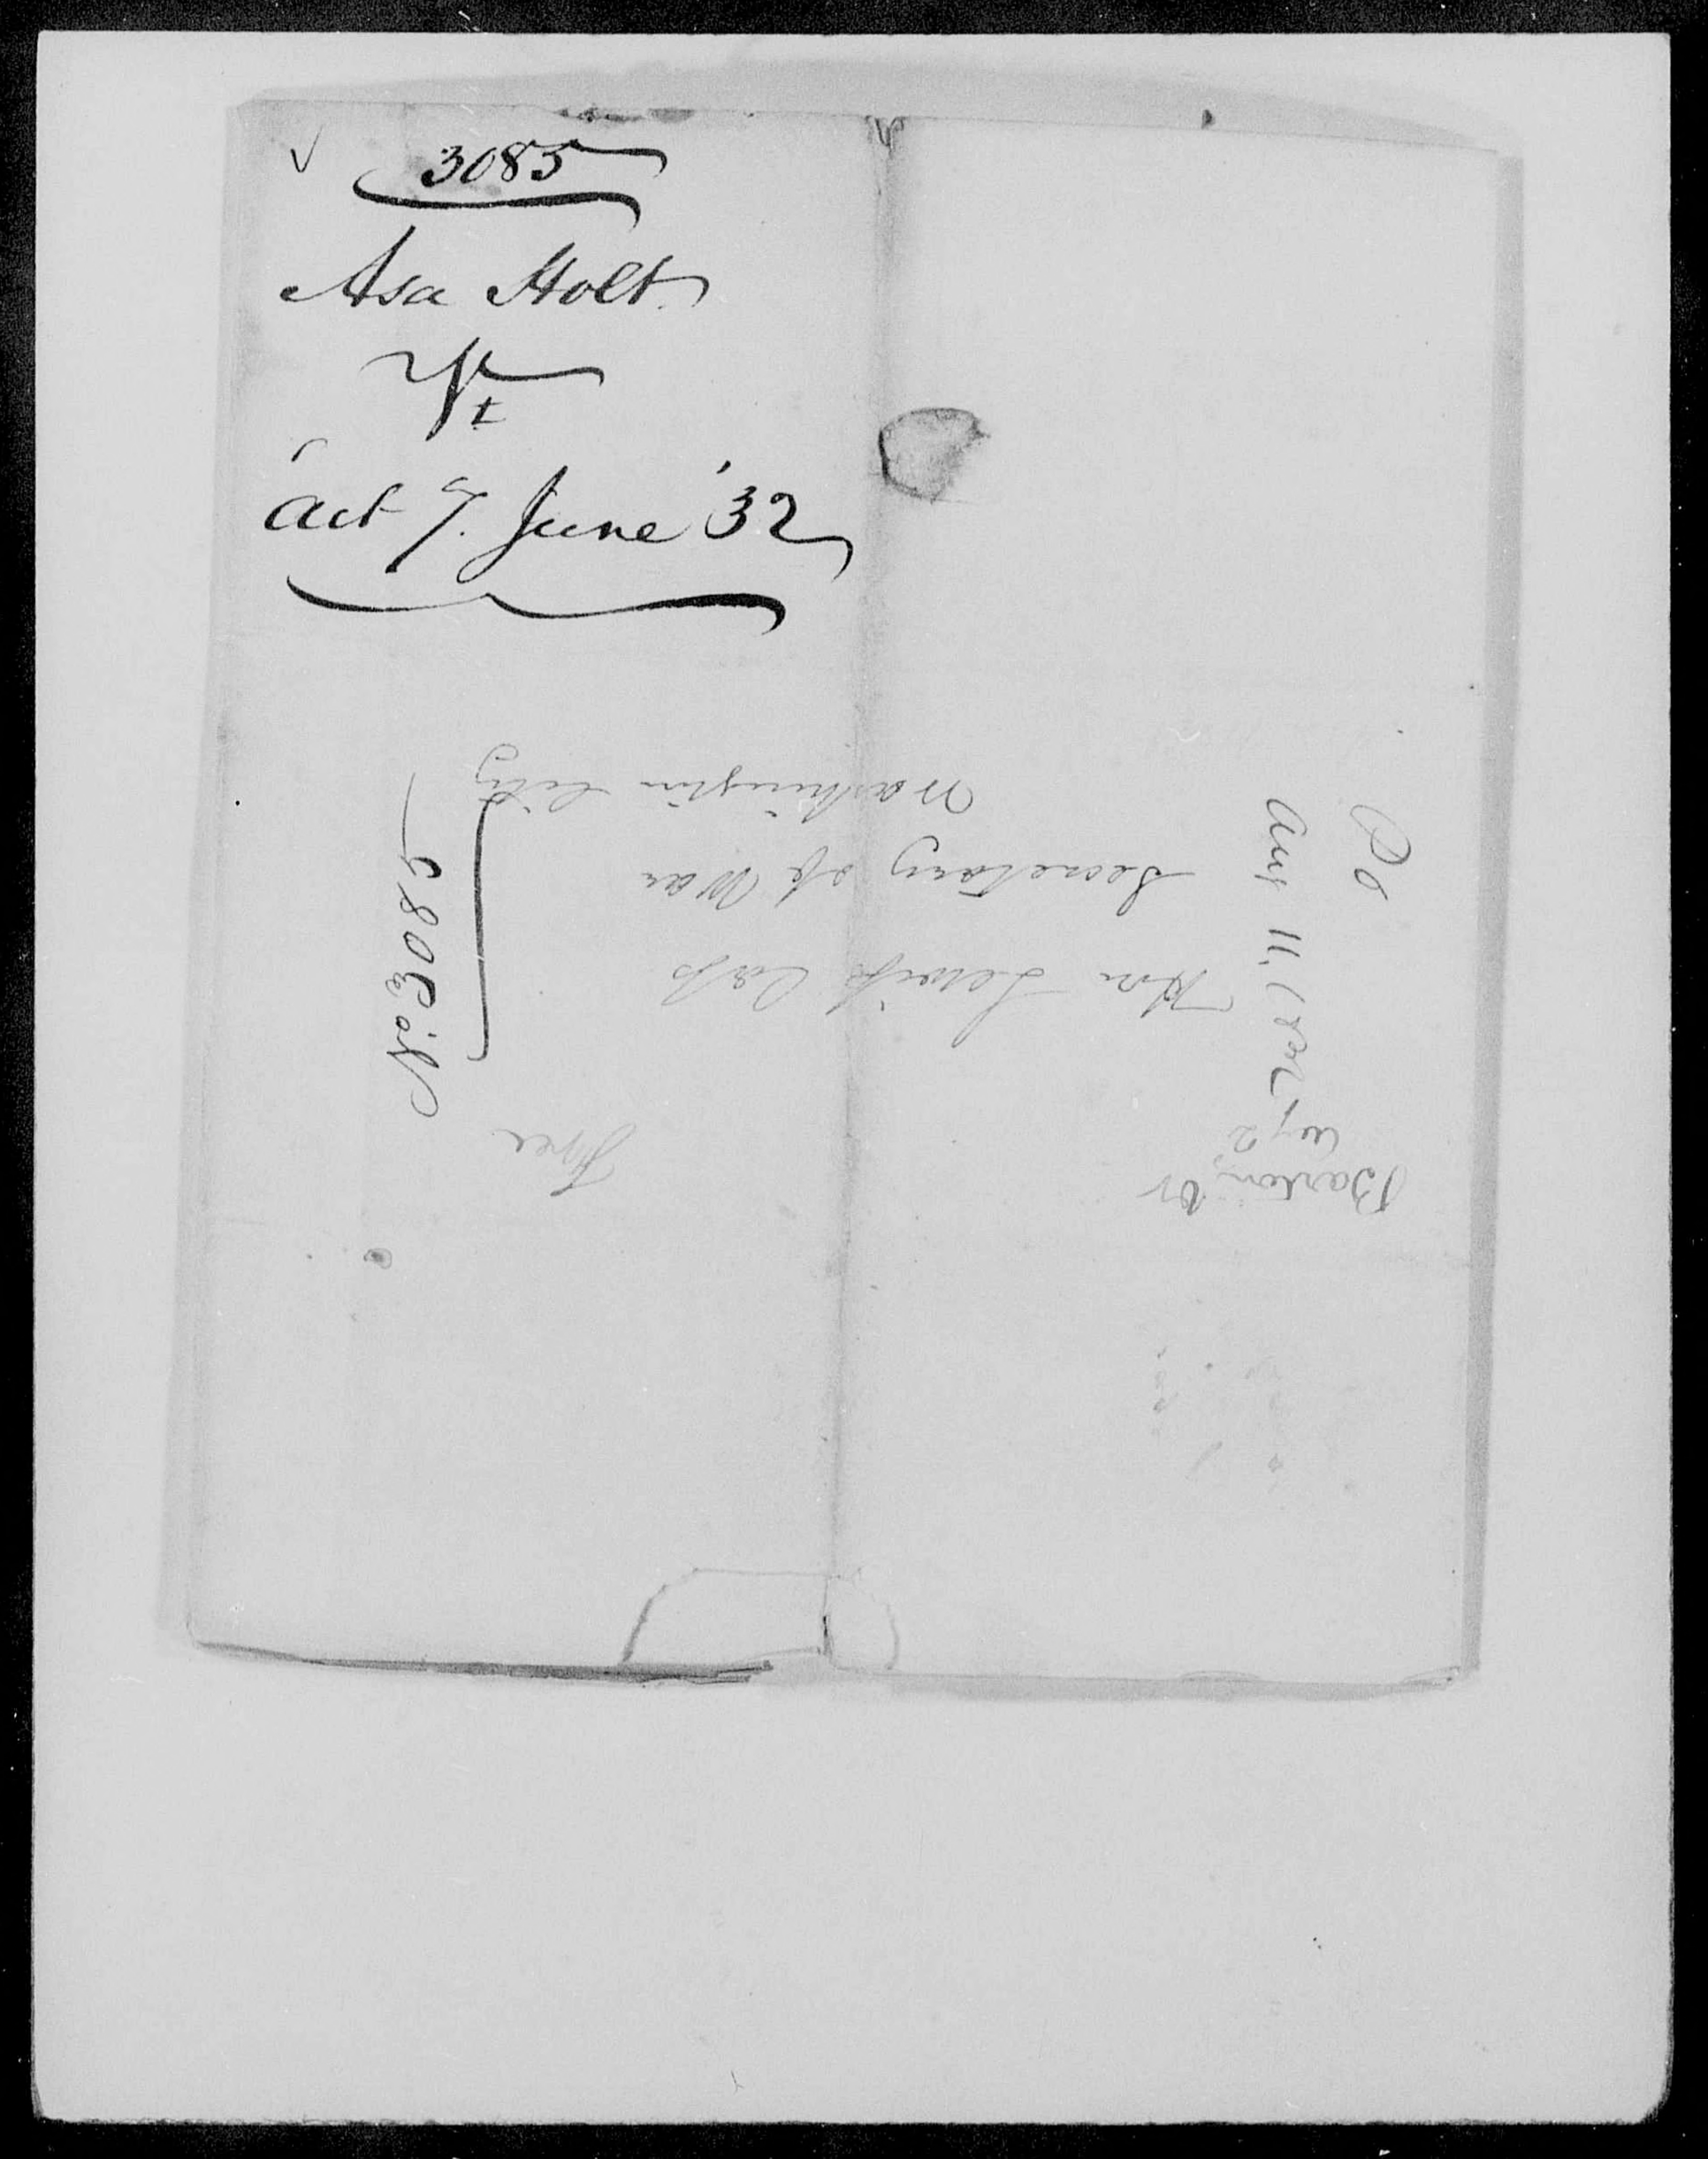3085
Asa Holt
Vt.
Act 7 June '32

(written vertically)
No. 3085

PO
Aug 1 1832

(written upside down)
FREE
Barton Vt
Aug 2
Hon Lewis Cass
Secretary of War
Washington City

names: Asa Holt, Barton, Lewis Cass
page: 2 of 24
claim: rejected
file: R. 5180, Asa Holt, Mass. Vt.